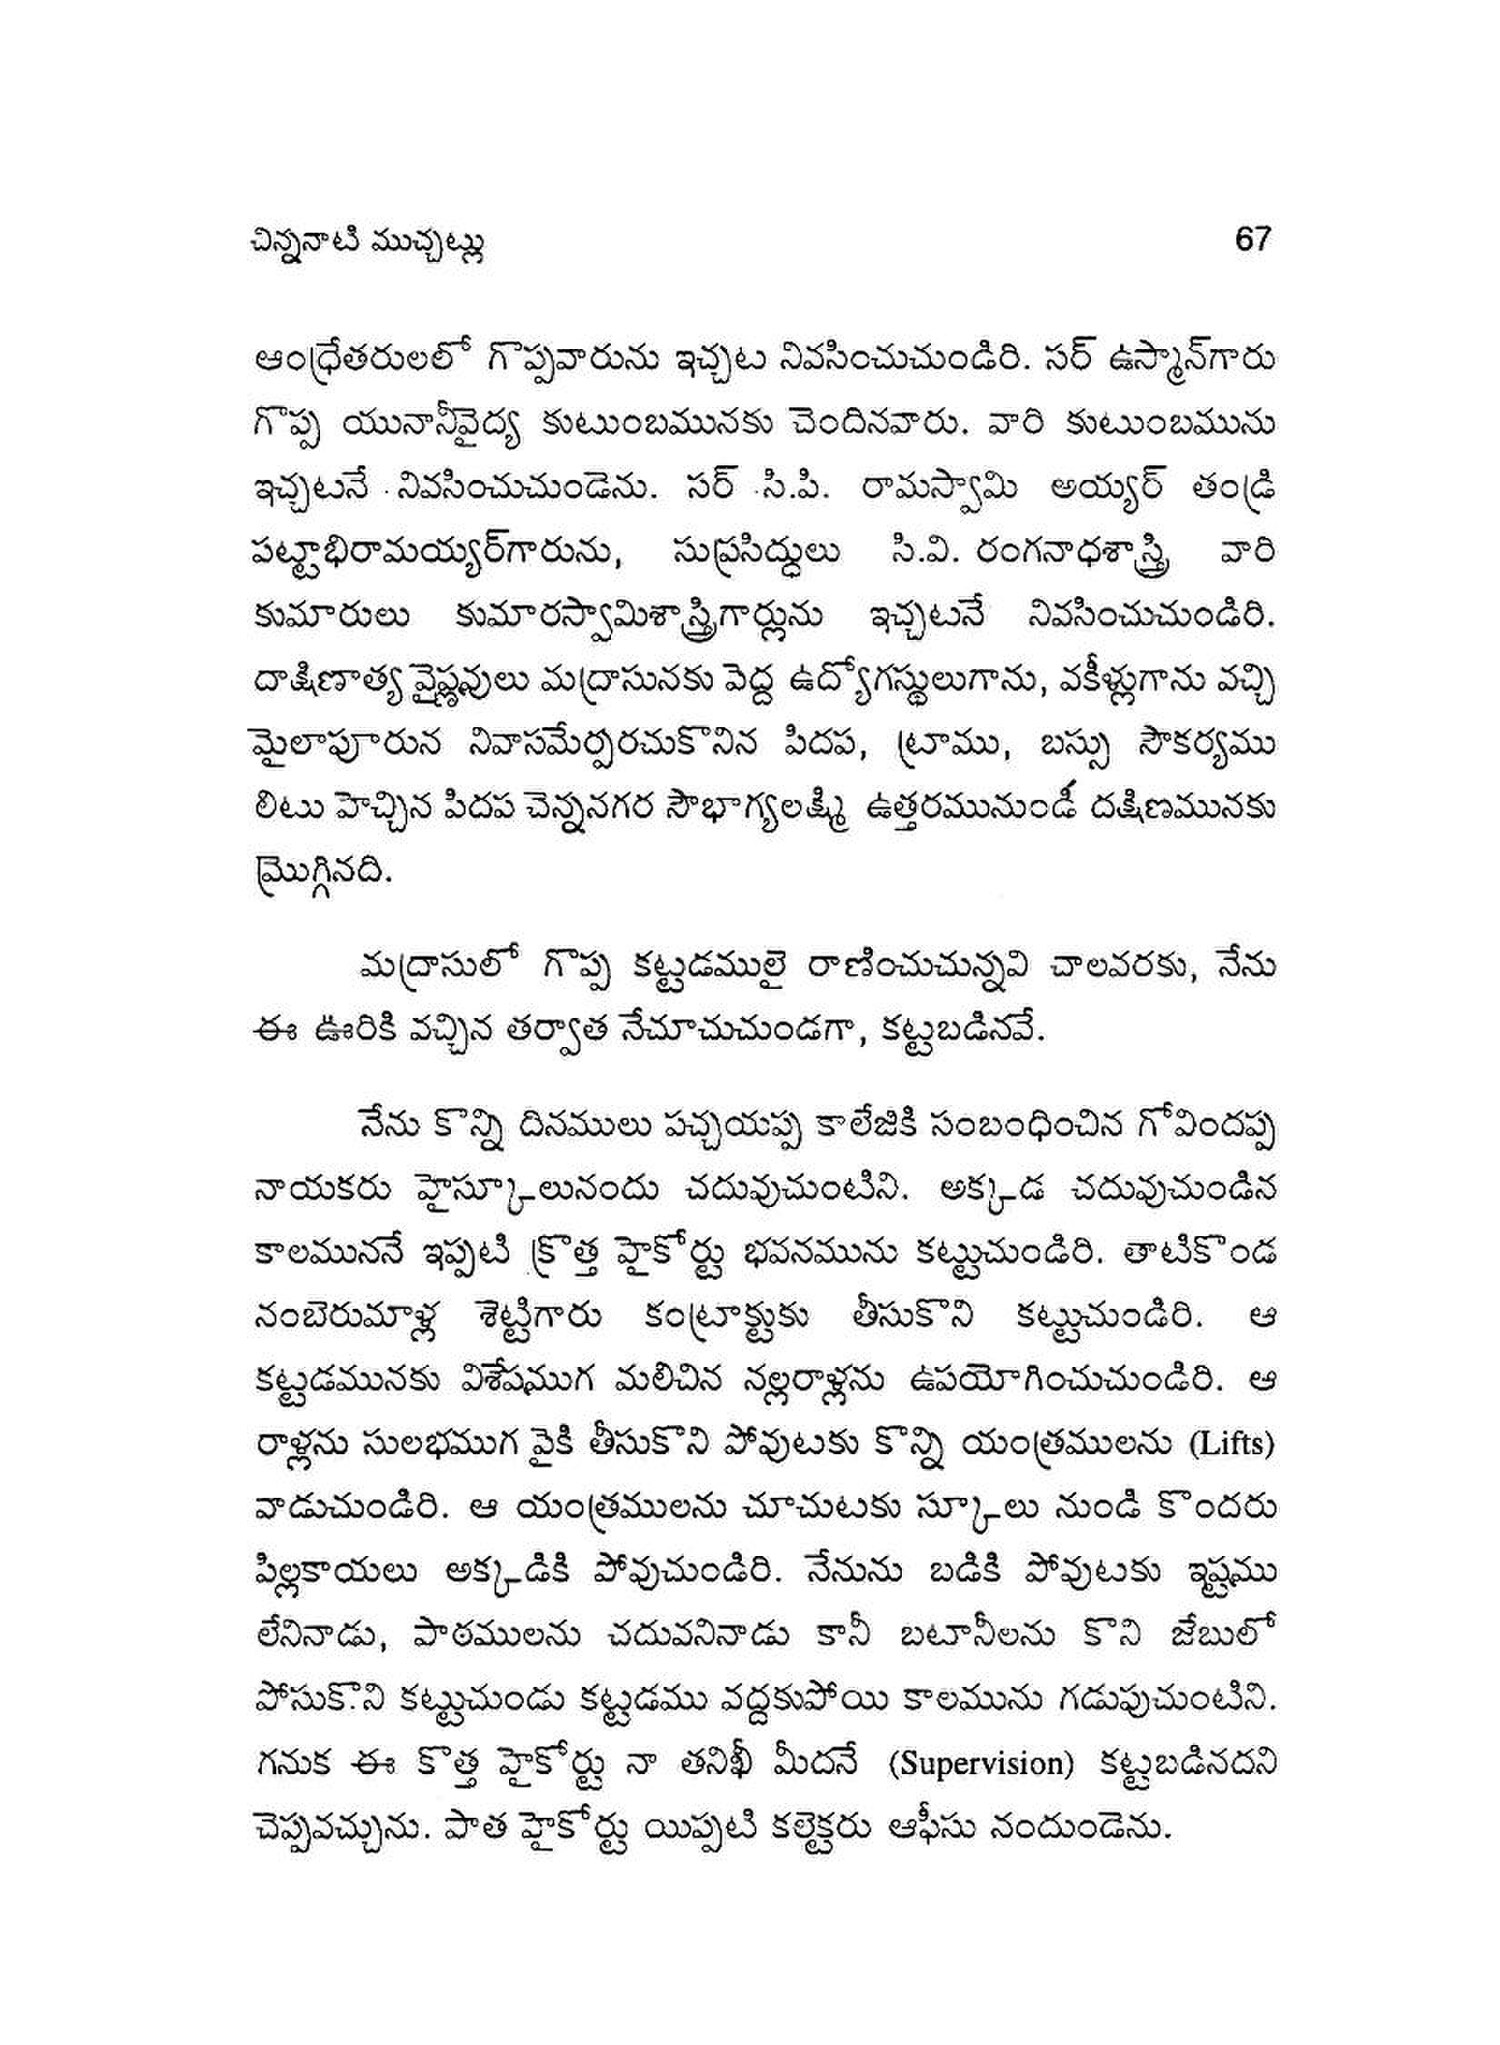ఆంధ్రేతరులలో గొప్పవారును ఇచ్చట నివసించుచుండిరి. సర్ ఉస్మాన్గారు గొప్ప యునానీవైద్య కుటుంబమునకు చెందినవారు. వారి కుటుంబమును ఇచ్చటనే నివసించుచుండెను. సర్ సి.పి. రామస్వామి అయ్యర్ తండ్రి పట్టాభిరామయ్యర్గారును, సుప్రసిద్దులు సి.వి. రంగనాధశాస్త్రి వారి కుమారులు కుమారస్వామిశాస్త్రిగార్లును ఇచ్చటనే నివసించుచుండిరి. దాక్షిణాత్య వైష్ణవులు మద్రాసునకు పెద్ద ఉద్యోగస్తులుగాను, వకీళ్లుగాను వచ్చి మైలాపూరున నివాసమేర్పరచుకొనిన పిదప, ట్రాము, బస్సు సౌకర్యము లిటు హెచ్చిన పిదప చెన్ననగర సౌభాగ్యలక్ష్మి. ఉత్తరమునుండి దక్షిణమునకు మ్రొగ్గినది.

మద్రాసులో గొప్ప కట్టడములై రాణించుచున్నవి చాలవరకు, నేను ఈ ఊరికి వచ్చిన తర్వాత నేచూచుచుండగా, కట్టబడినవే.

నేను కొన్ని దినములు పచ్చయప్ప కాలేజికి సంబంధించిన గోవిందప్పనాయకరు హైస్కూలునందు చదువుచుంటిని. అక్కడ చదువుచుండిన కాలముననే ఇప్పటి క్రొత్త హైకోర్టు భవనమును కట్టుచుండిరి. తాటికొండ నంబెరుమాళ్ల శెట్టిగారు కంట్రాక్టుకు తీసుకొని కట్టుచుండిరి. ఆ కట్టడమునకు విశేషముగ మలిచిన నల్లరాళ్లను ఉపయోగించుచుండిరి. ఆ రాళ్లను సులభముగ పైకి తీసుకొని పోవుటకు కొన్ని యంత్రములను (Lifts) వాడుచుండిరి. ఆ యంత్రములను చూచుటకు స్కూలు నుండి కొందరు పిల్లకాయలు అక్కడికి పోవుచుండిరి. నేనును బడికి పోవుటకు ఇష్టము లేనినాడు, పాఠములను చదువనినాడు కానీ బటానీలను కొని జేబులో పోసుకొని కట్టుచుండు కట్టడము వద్దకుపోయి కాలమును గడుపుచుంటిని. గనుక ఈ కొత్త హైకోర్టు నా తనిఖీ మీదనే (Supervision) కట్టబడినదని చెప్పవచ్చును. పాత హైకోర్టు యిప్పటి కలెక్టరు ఆఫీసు నందుండెను.